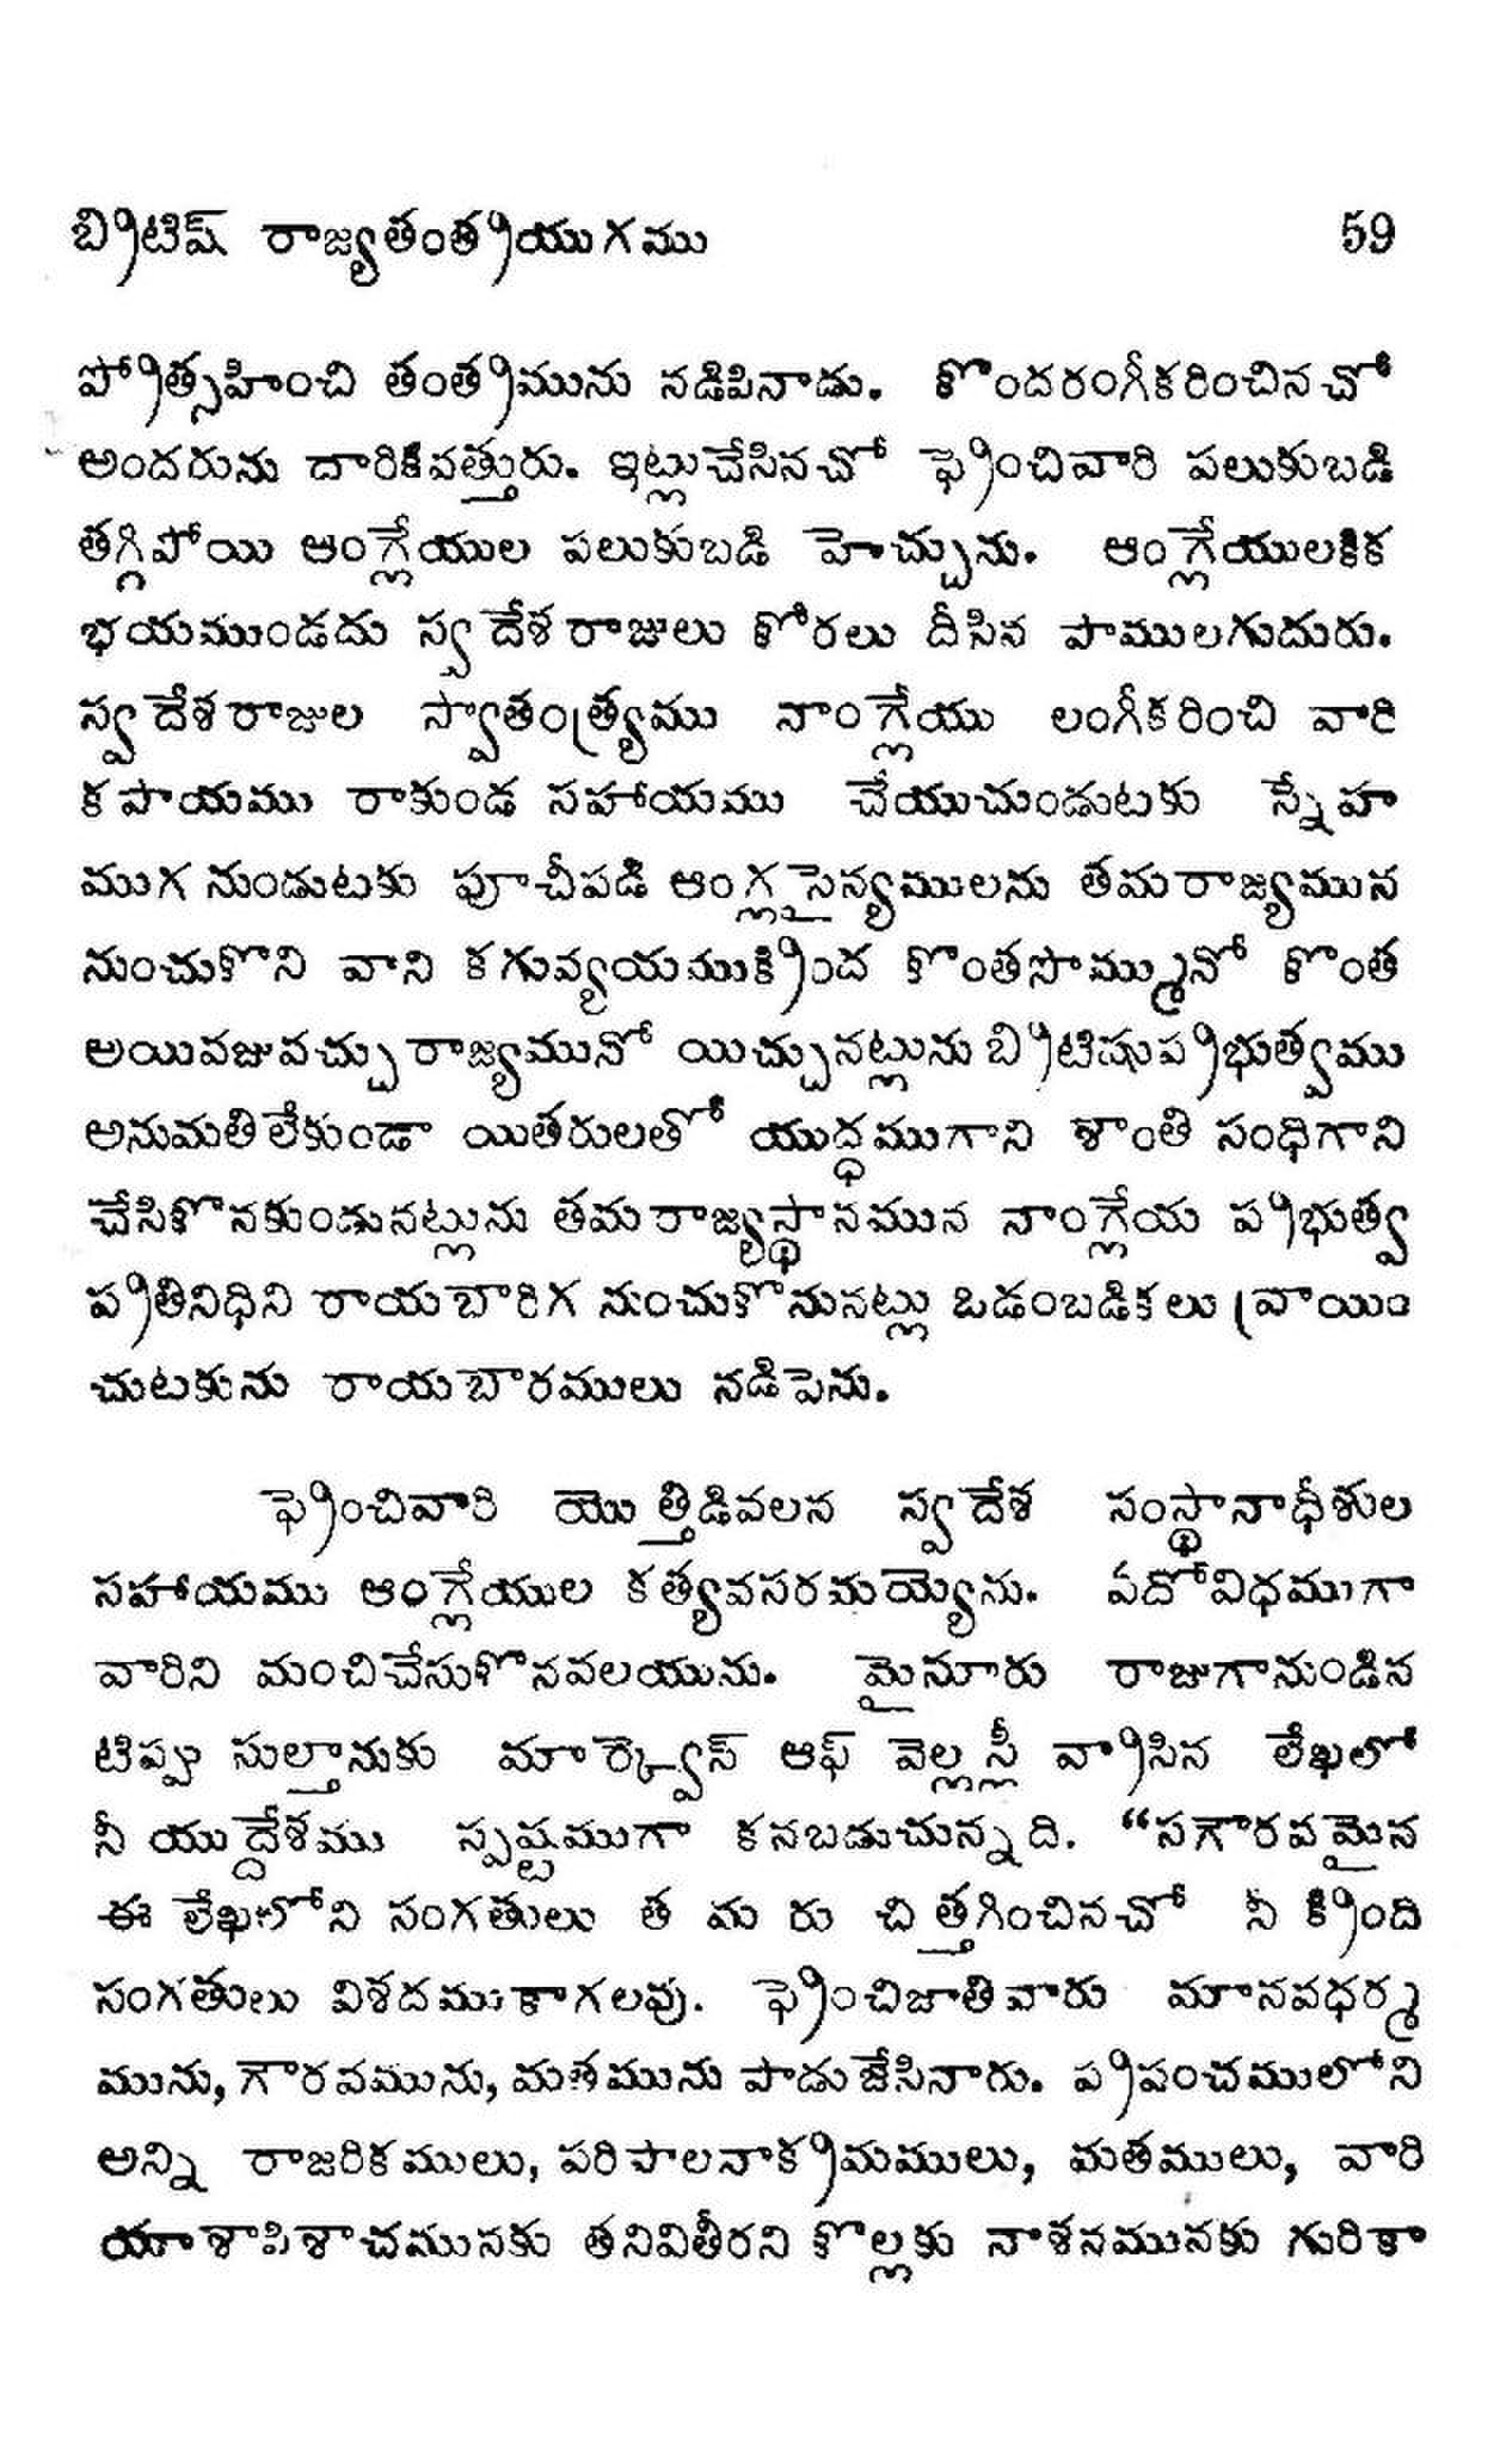ప్రోత్సహించి తంత్రమును నడిపినాడు. కొందరంగీకరించినచో అందరును దారికివత్తురు. ఇట్లుచేసినచో ఫ్రెంచివారి పలుకుబడి తగ్గిపోయి ఆంగ్లేయుల పలుకుబడి హెచ్చును. ఆంగ్లేయులకిక భయముండదు స్వదేశరాజులు కోరలు దీసిన పాములగుదురు. స్వదేశరాజుల స్వాతంత్ర్యము నాంగ్లేయు లంగీకరించి వారి కపాయము రాకుండ సహాయము చేయుచుండుటకు స్నేహముగ నుండుటకు పూచీపడి ఆంగ్లసైన్యములను తమరాజ్యమున నుంచుకొని వాని కగువ్యయముక్రింద కొంతసొమ్మునో కొంత అయివజువచ్చు రాజ్యమునో యిచ్చునట్లును బ్రిటిషుప్రభుత్వము అనుమతిలేకుండా యితరులతో యుద్ధముగాని శాంతి సంధిగాని చేసికొనకుండునట్లును తమరాజ్యస్థానమున నాంగ్లేయ ప్రభుత్వ ప్రతినిధిని రాయబారిగ నుంచుకొనునట్లు ఒడంబడికలు వ్రాయించుటకును రాయబారములు నడిపెను.

ఫ్రెంచివారి యొత్తిడివలన స్వదేశ సంస్థానాధీశుల సహాయము ఆంగ్లేయుల కత్యవసరమయ్యెను. ఏదోవిధముగా వారిని మంచిచేసుకొనవలయును. మైసూరు రాజుగానుండిన టిప్పు సుల్తానుకు మార్క్వెస్ ఆఫ్ వెల్లస్లీ వ్రాసిన లేఖలో నీ యుద్దేశము స్పష్టముగా కనబడుచున్నది. “సగౌరవమైన ఈ లేఖలోని సంగతులు తమరు చిత్తగించినచో నీ క్రింది సంగతులు విశదముకాగలవు. ఫ్రెంచిజాతివారు మానవధర్మమును, గౌరవమును, మతమును పాడుజేసినారు. ప్రపంచములోని అన్ని రాజరికములు, పరిపాలనాక్రమములు, మతములు, వారి యాశాపిశాచమునకు తనివితీరని కొల్లకు నాశనమునకు గురికా